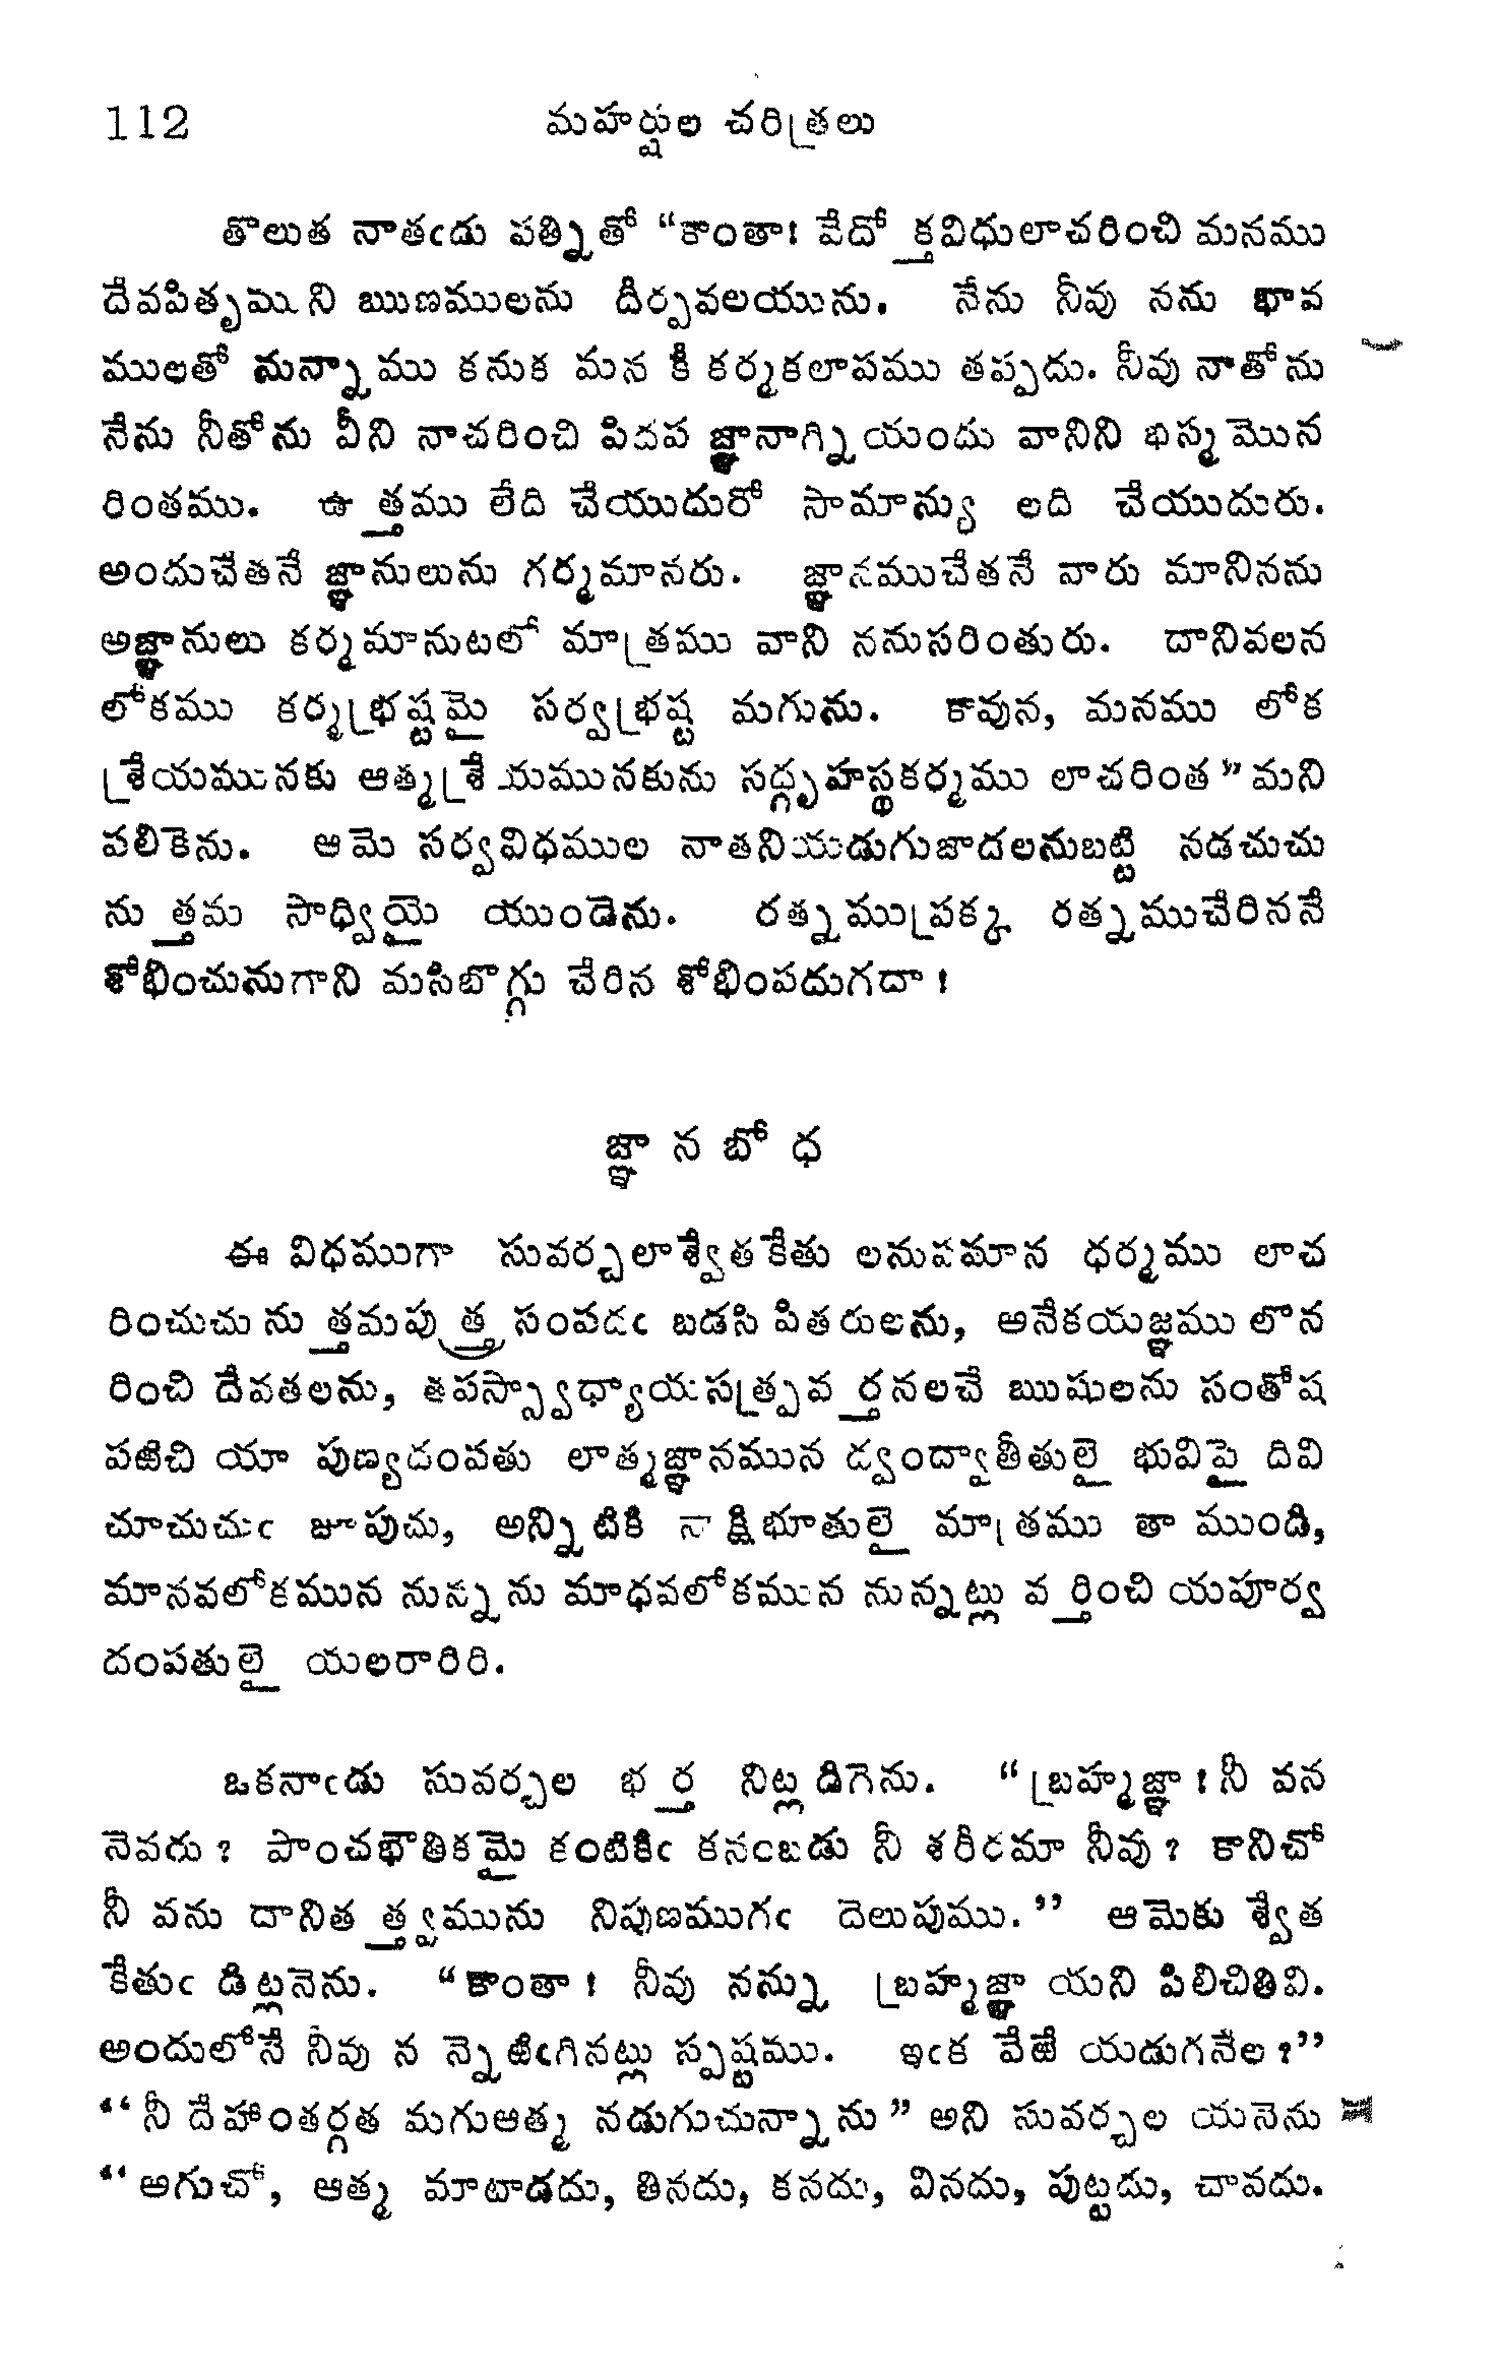తొలుత నాతఁడు పత్నితో “కాంతా! వేదోక్తవిధులాచరించి మనము దేవపితృముని ఋణములను దీర్పవలయును. నేను నీవు నను భావములతో నున్నాము కనుక మన కీ కర్మకలాపము తప్పదు. నీవు నాతోను నేను నీతోను వీని నాచరించి పిదప జ్ఞానాగ్నియందు వానిని భస్మ మొనరింతము. ఉత్తము లేది చేయుదురో సామాన్యు లది చేయుదురు. అందుచేతనే జ్ఞానులును గర్మమానరు. జ్ఞానముచేతనే వారు మానినను అజ్ఞానులు కర్మమానుటలో మాత్రము వాని ననుసరింతురు. దానివలన లోకము కర్మభ్రష్టమై సర్వభ్రష్ట మగును. కావున, మనము లోకశ్రేయమునకు ఆత్మశ్రేయమునకును సద్గృహస్థకర్మము లాచరింత "మని పలికెను. ఆమె సర్వవిధముల నాతని యడుగుజాడలనుబట్టి నడచుచు నుత్తమ సాధ్వియై యుండెను. రత్నముప్రక్క రత్నముచేరిననే శోభించునుగాని మసిబొగ్గు చేరిన శోభింపదుగదా !

జ్ఞానబోధ 

ఈ విధముగా సువర్చలాశ్వేతకేతు లనుపమాన ధర్మము లాచరించుచు నుత్తమపుత్త సంపదఁ బడసి పితరులను, అనేకయజ్ఞము లొనరించి దేవతలను, తపస్స్వాధ్యాయసత్ప్రవర్తనలచే ఋషులను సంతోష పఱిచి యా పుణ్యదంపతు లాత్మజ్ఞానమున ద్వంద్వాతీతులై భువిపై దివి చూచుచుఁ జూపుచు, అన్నిటికి సాక్షిభూతులై మాత్రము తా ముండి, మానవలోకమున నున్నను మాధవలోకమున నున్నట్లు వర్తించి యపూర్వ దంపతులై యలరారిరి.

ఒకనాఁడు సువర్చల భర్త నిట్లడిగెను. "బ్రహ్మజ్ఞా ! నీ వన నెవరు? పాంచభౌతికమై కంటికిఁ కనఁబడు నీ శరీరమా నీవు? కానిచో నీ వను దానితత్త్వమును నిపుణముగఁ దెలుపుము." ఆమెకు శ్వేతకేతుఁ డిట్లనెను. "కాంతా ! నీవు నన్ను బ్రహ్మజ్ఞా యని పిలిచితివి. అందులోనే నీవు నన్నెఱిఁగినట్లు స్పష్టము. ఇఁక వేఱే యడుగనేల?” "నీ దేహాంతర్గత మగుఆత్మ నడుగుచున్నాను” అని సువర్చల యనెను “అగుచో, ఆత్మ మాటాడదు, తినదు, కనదు, వినదు, పుట్టదు, చావదు.